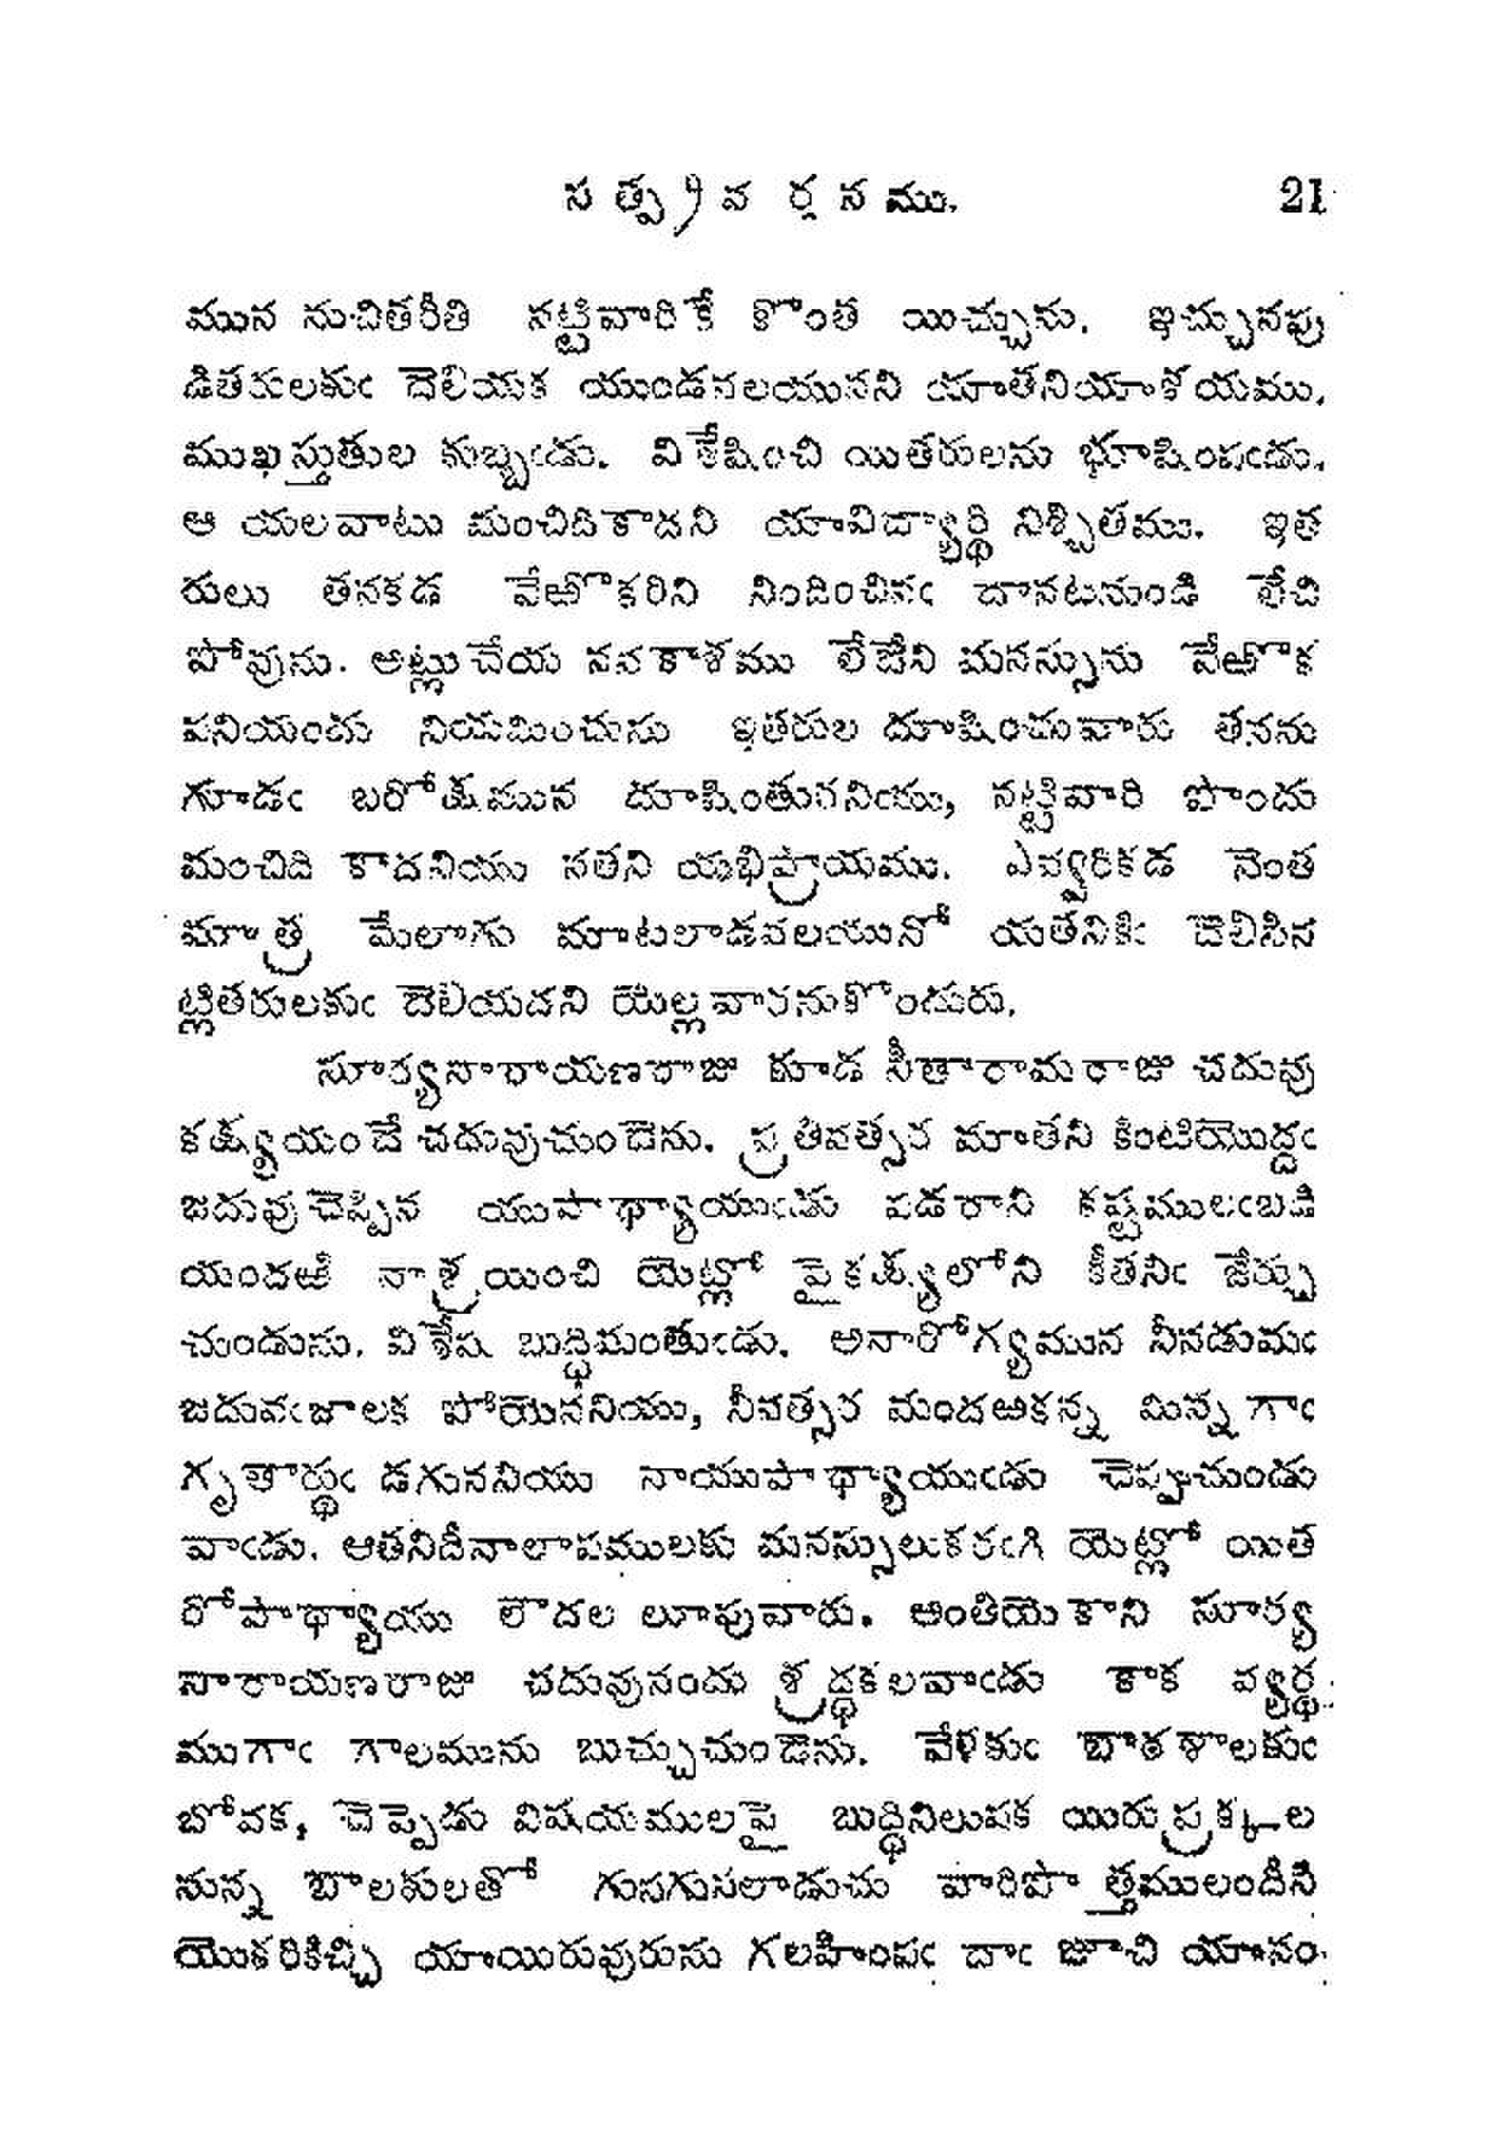మున నుచితరీతి నట్టివారికే కొంత యిచ్చును. ఇచ్చునపు డితరులకుఁ దెలియక యుండవలయునని జూతనియాశయము. ముఖ స్తుతుల కుబ్బడు. విశ్లేషించి యితరులను భూషిండు. ఆ యలవాటు మంచిది కాదని యావిద్యార్థి నిశ్చితము. ఇత రులు తనకడ "వేఱొకరిని నిందించిన దానట నుండి లేచి పోవును. అట్లు చేయ నవకాశము లేదేనీ మనస్సును "వేఱొక పనియందు నియుమించును ఇతరుల దూషించు వారు తనను గూడఁ బరోక్షమున దూషింతురనియు, నట్టి వారి పొందు మంచిది కాదనియు నతని యభిప్రాయము. ఎవ్వరికడ నేంత మూత్రమేలాగు మాటలాడవలయునో యతనికి. దెలిసినట్లితరులకుఁ దెలియదని యెల్ల వారును కొందురు.

సూర్యనారాయణ రాజు కూడ సితారామరాజు చదువు కక్ష్యయందే చదువుచుండెను. ప్రతీవత్సర మాతని కింటియొద్దం జదువు చెప్పిన యుపాధ్యాయులకు పడరాని కష్టములఁబడి యందఱి నాశ్రయించి యెట్లో పై కక్షలోని కితనిఁ జేర్చు చుండుసు, విశేష బుద్ధిమంతుఁడు, అనారోగ్యమున నీనడుమఁ జదువజాలక పోయెననియు, నీవత్సర మందరకన్న మిన్నగాఁ గృపౌర్ణుఁడగుననియు నాయుపాధ్యాయుడు చెప్పుచుండువాఁడు. ఆతని దీనాలాపములకు మనస్సులు కరఁగి యెట్లో యిత రోపాధ్యాయు లౌదల లూపువారు. అంతియెకాని సూర్య నారాయణ రాజు చదువునందు శ్రద్ధకలవాడు కాక వ్యర్ణముగా గాలమును బుచ్చుచుండెను. వేళకుఁ 'బాఠశాలకు బోవక, చెప్పెడు విషయములపై బుద్ధినిలుపక యిరు ప్రక్కల సున్న బాలకులతో గుసగుసలాడుచు వారిపొత్తములందీసియొకరికిచ్చి యాయిరువురుసు గలహింపఁ దాఁ జూచి యానం,